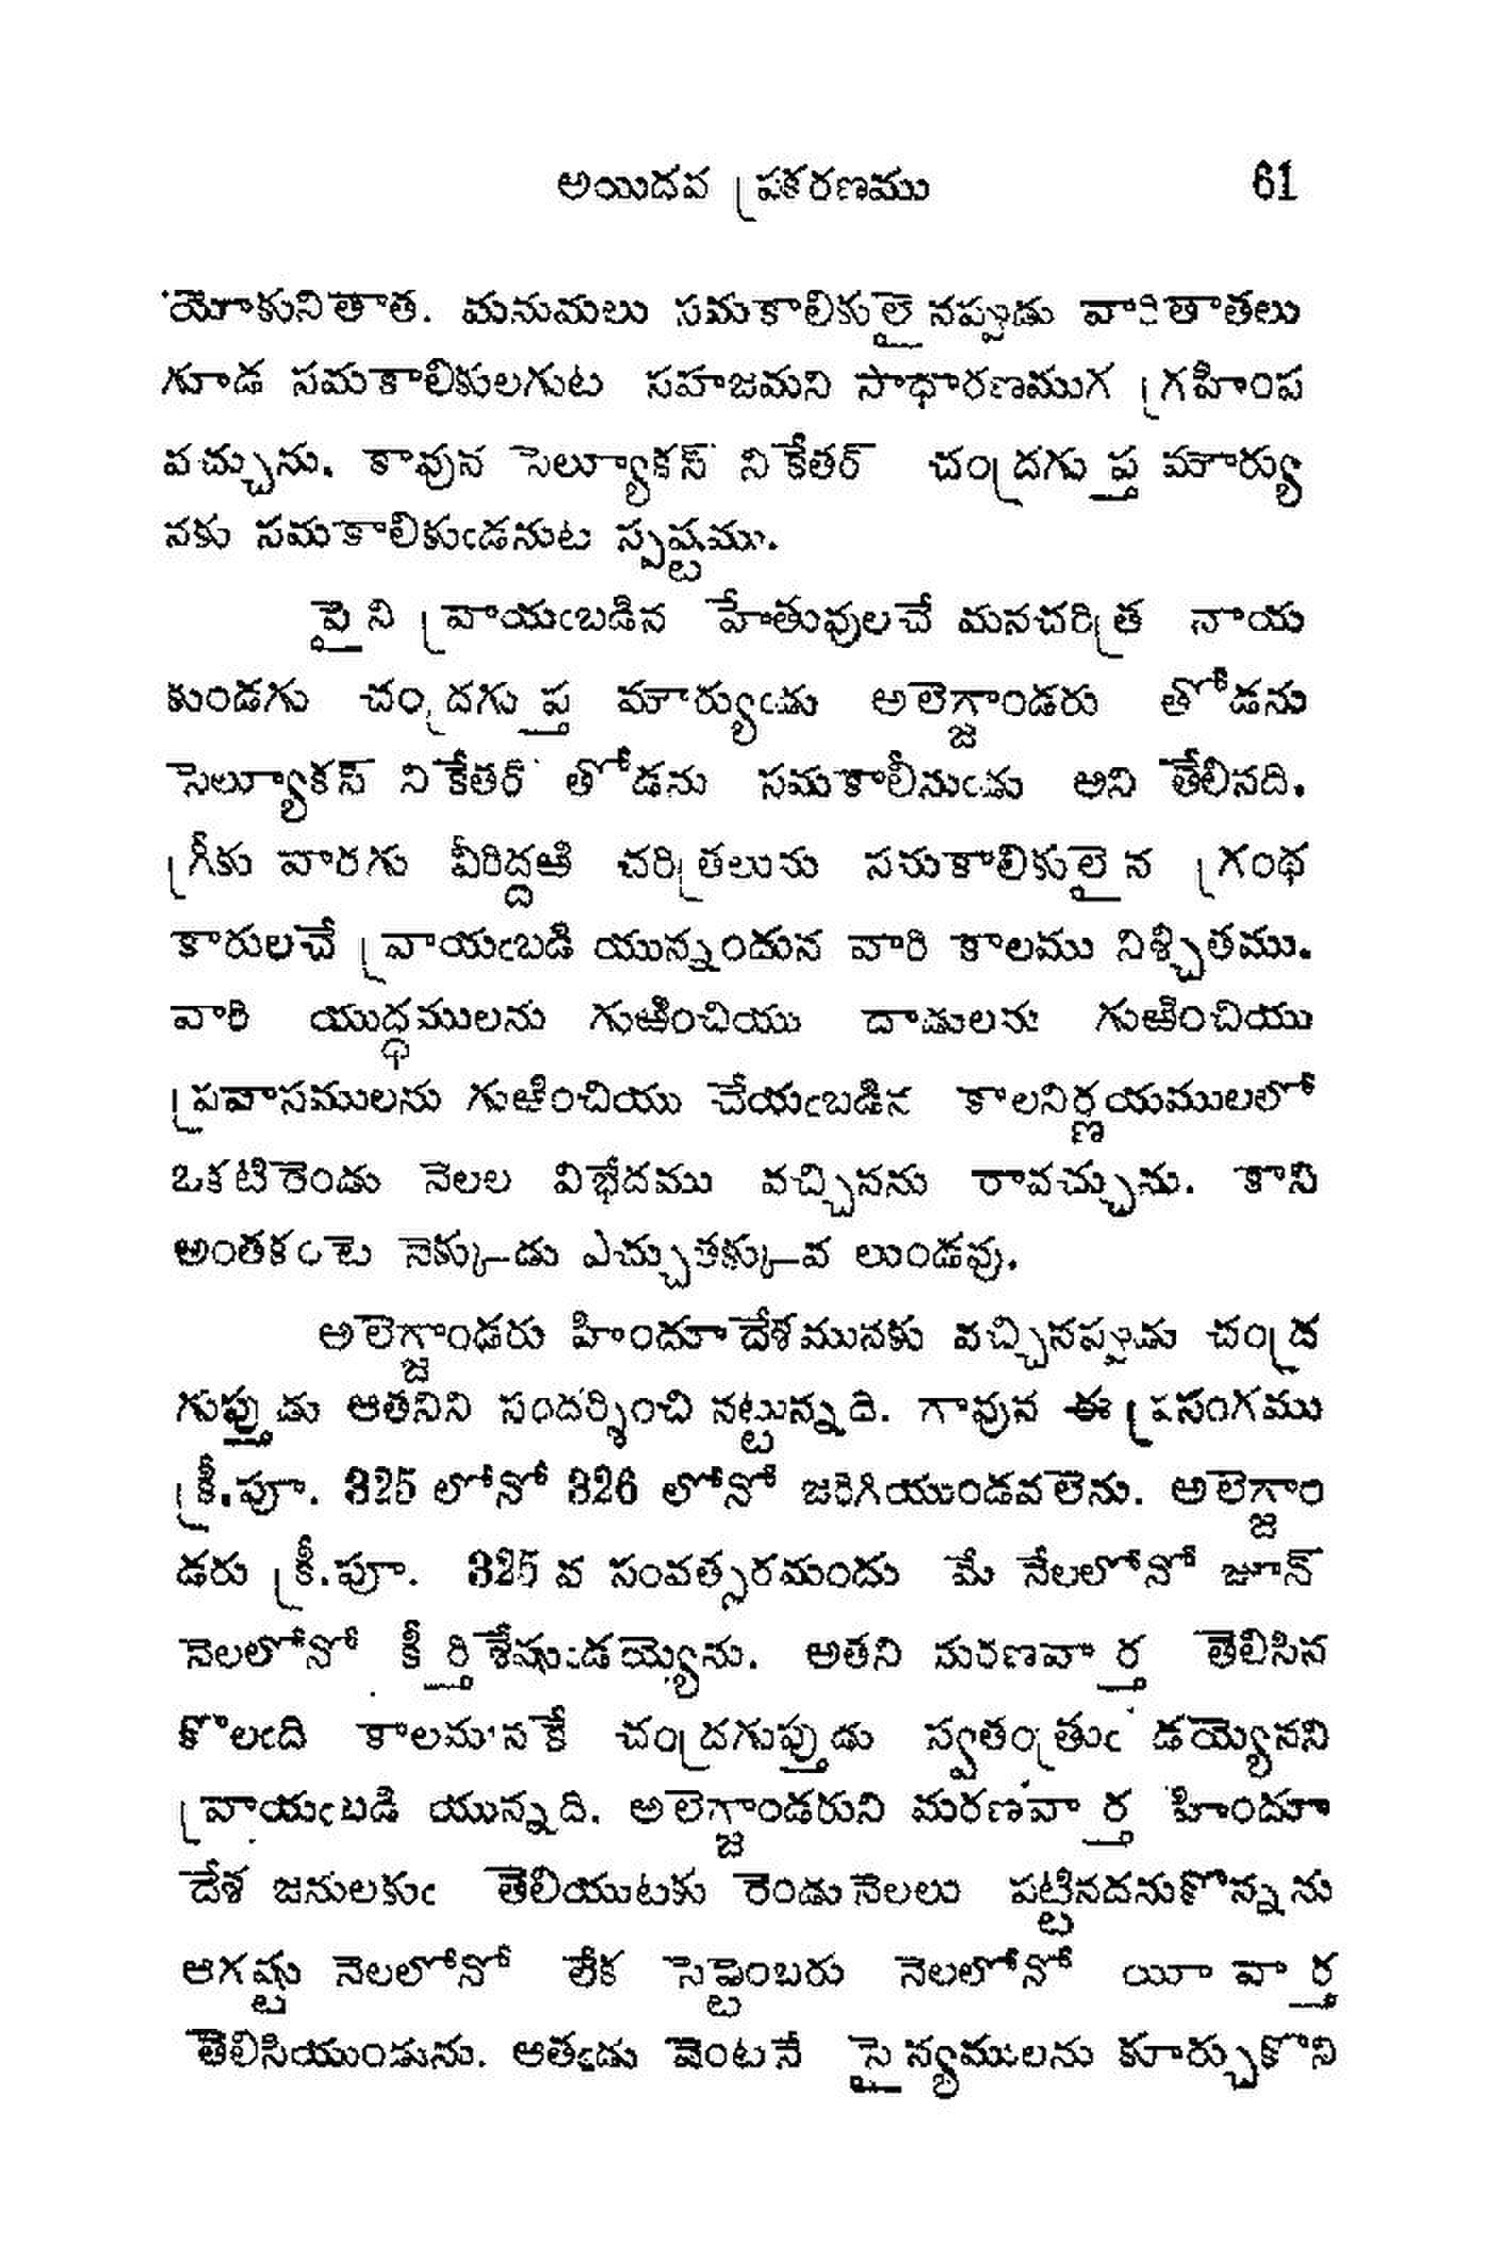యోకునితాత. మనుమలు సమకాలికులైనప్పుడు వారితాతలు గూడ సమకాలికులగుట సహజమని సాధారణముగ గ్రహింపవచ్చును. కావున సెల్యూకస్ నికేతర్ చంద్రగుప్త మౌర్యునకు సమకాలికుఁడనుట స్పష్టము.

పైని వ్రాయఁబడిన హేతువులచే మనచరిత్ర నాయకుండగు చంద్రగుప్త మౌర్యుఁడు అలెగ్జాండరు. తోడను సెల్యూకస్ నికేతర్ తోడను సమకాలీనుఁడు అని తేలినది. గ్రీకు వారగు వీరిద్దఱి చరిత్రలును సమకాలికులైన గ్రంథకారులచే వాయఁబడి యున్నందున వారి కాలము నిశ్చితము. వారి యుద్ధములను గుఱించియు దాడులను గుణించియు ప్రవాసములను గుఱించియు చేయఁబడిన కాలనిర్ణయములలో ఒకటిరెండు నెలల విభేదము వచ్చినను రావచ్చును. కాని అంతకంటే నెక్కుడు ఎచ్చు తక్కువ లుండవు. 

అలెగ్జాండరు హిందూదేశమునకు వచ్చినప్పుడు చంద్రగుప్తుడు ఆతనిని సందర్శించి నట్టున్నది. గావున ఈ ప్రసంగము క్రీ.పూ. 325 లోనో 326 లోనో జరిగియుండవలెను. అలెగ్జాండరు క్రీ.పూ. 325 వ సంవత్సరమందు మే నెలలోనో జూన్ నెలలోనో కీర్తి శేషుఁడయ్యెను. అతని మరణవార్త తెలిసిన కొలఁది కాలమునకే చంద్రగుప్తుడు స్వతంత్రుఁ డయ్యెనని వ్రాయఁబడి యున్నది. అలెగ్జాండరుని మరణవార్త హిందూదేశ జనులకుఁ తెలియుటకు రెండు నెలలు పట్టినదనుకొన్నను ఆగష్టు నెలలోనో లేక సెప్టెంబరు నెలలోనో యీ వార్త తెలిసియుండును. ఆతఁడు. వెంటనే సైన్యములను కూర్చుకొని